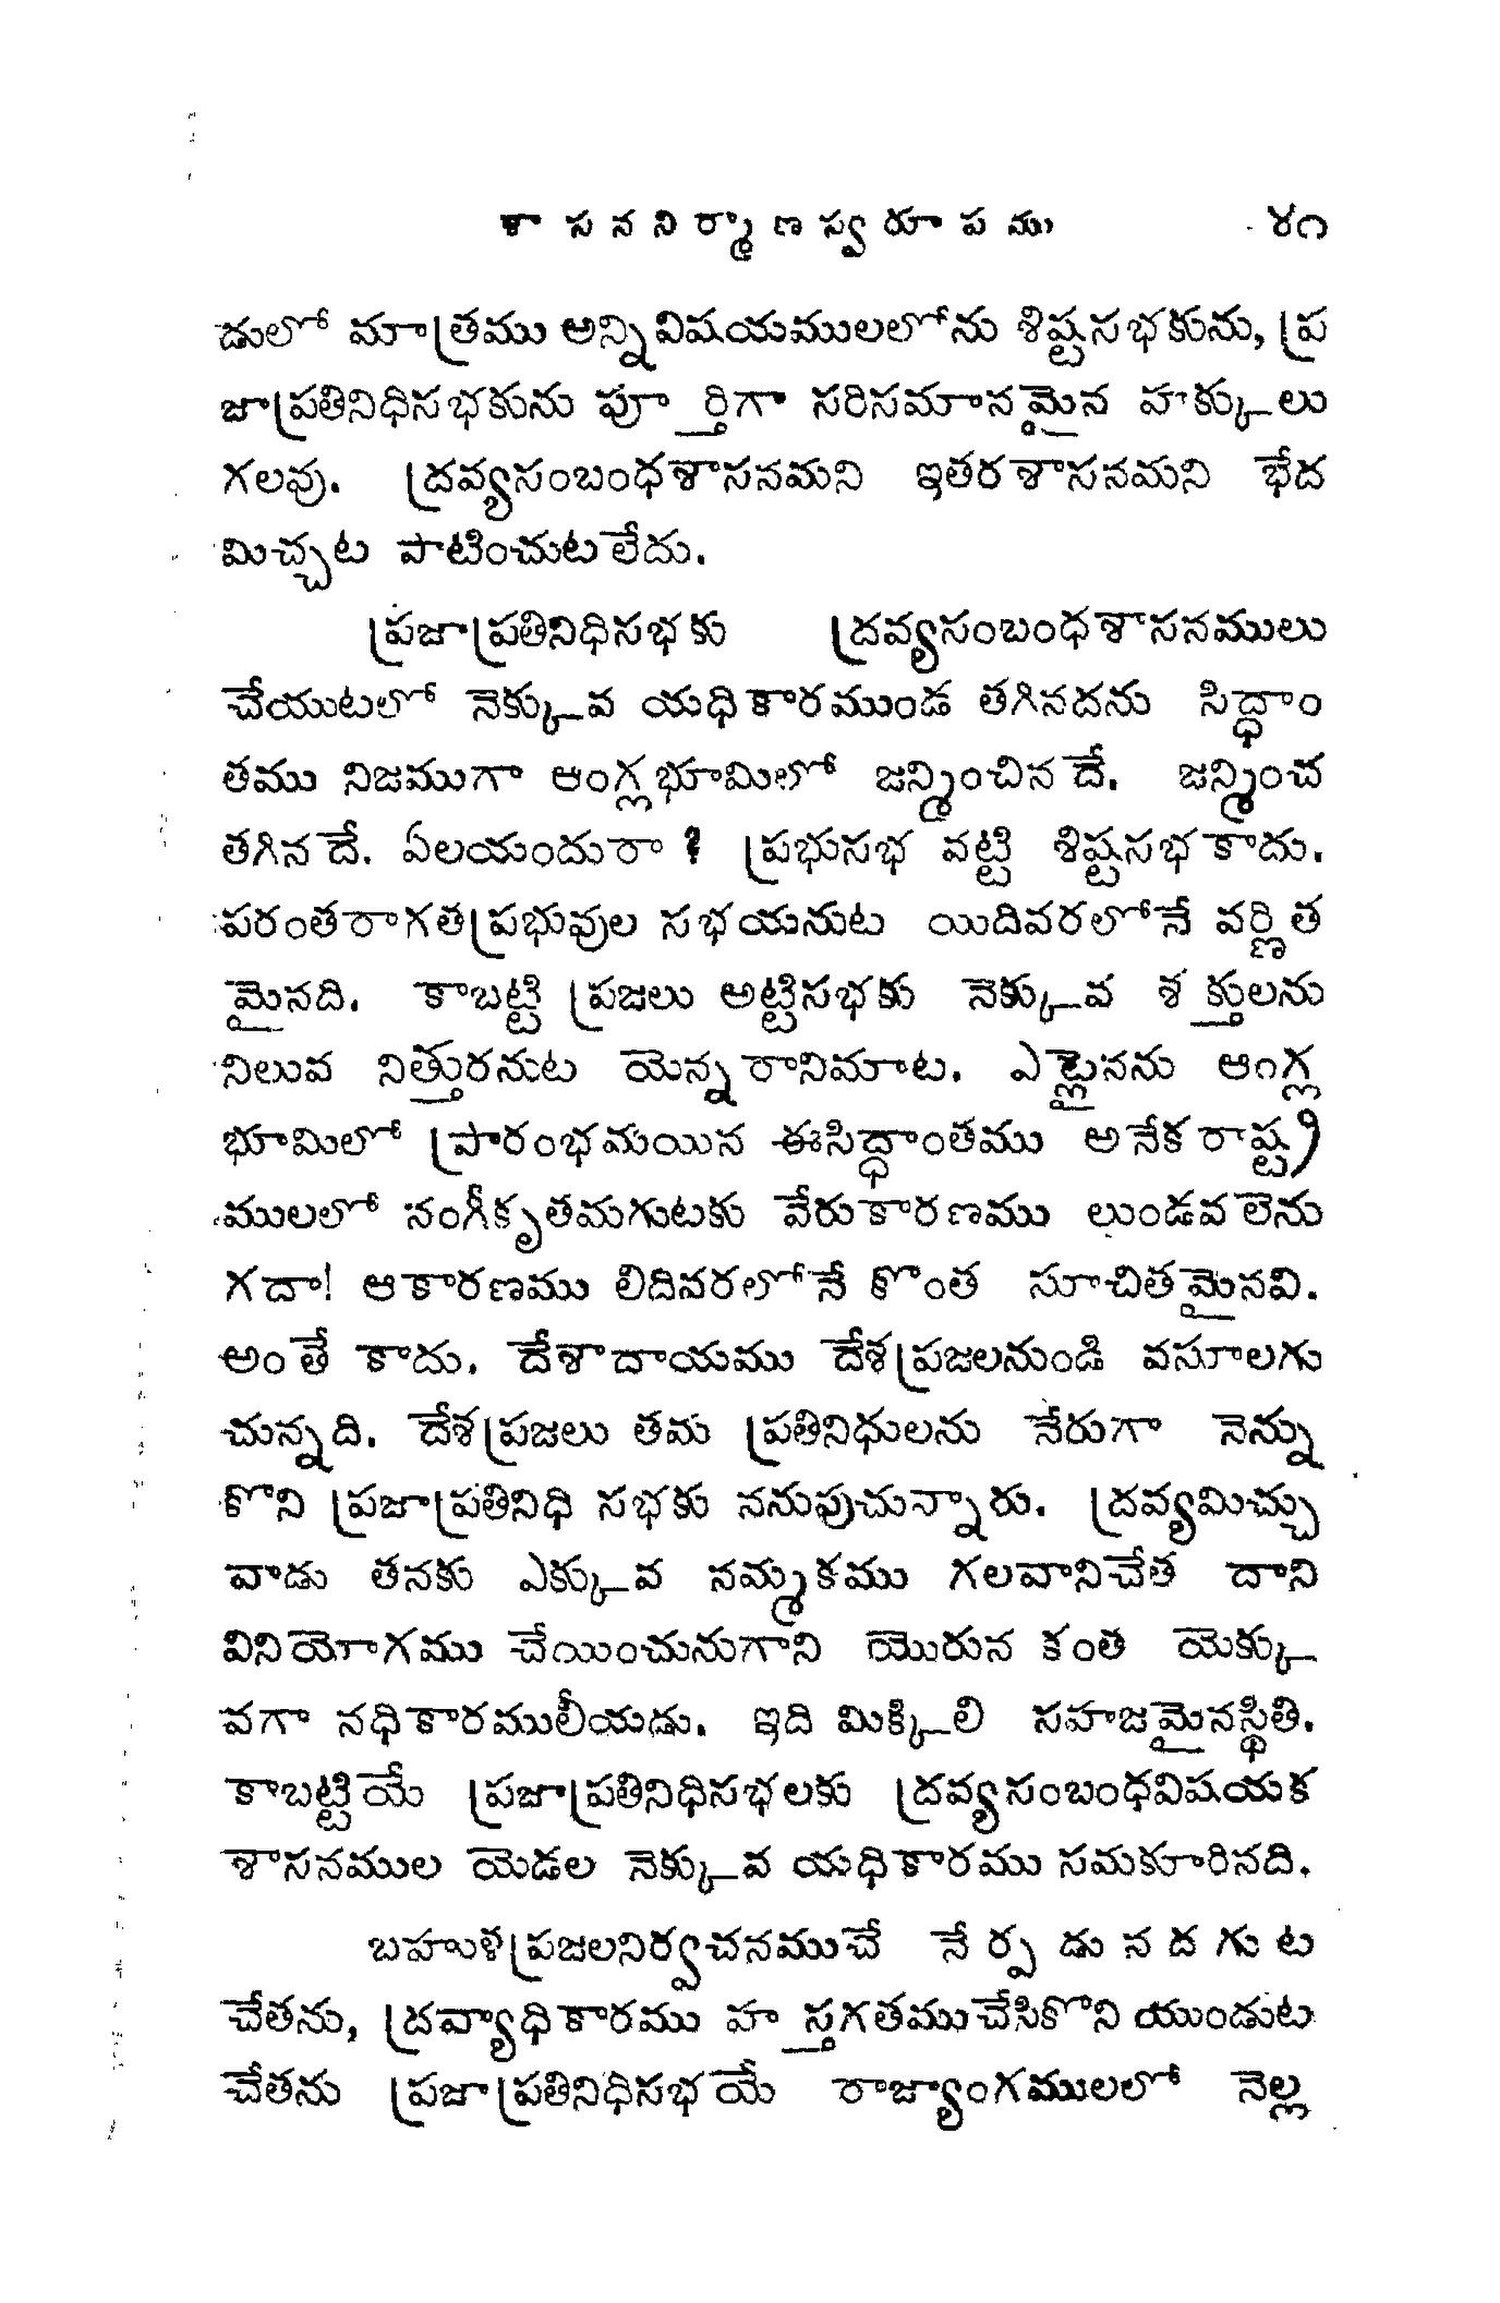డులో మాత్రము అన్నివిషయములలోను శిష్టసభకును, ప్రజాప్రతినిధిసభకును పూర్తిగా సరిసమానమైన హక్కులు గలవు. ద్రవ్యసంబంధశాసనమని ఇతరశాసనమని భేదమిచ్చట పాటించుటలేదు.

ప్రజాప్రతినిధిసభకు ద్రవ్యసంబంధ శాసనములు చేయుటలో నెక్కువ యధికారముండ తగినదను సిద్ధాంతము నిజముగా ఆంగ్లభూమిలో జన్మించినదే, జన్మించతగినదే. ఏలయందురా ! ప్రభుసభ వట్టి శిష్టసభ కాదు. పరంతరాగతప్రభువుల సభయనుట యిదివరలోనే వర్ణితమైనది. కాబట్టి ప్రజలు అట్టిసభకు నెక్కువ శక్తులను నిలువ నిత్తురనుట యెన్న రానిమాట. ఎట్లైనను ఆంగ్లభూమిలో ప్రారంభమయిన ఈ సిద్ధాంతము అనేక రాష్ట్రములలో నంగీకృతమగుటకు వేరుకారణము లుండవలెను గదా! ఆకారణము లిదివరలోనే కొంత సూచితమైనవి. అంతే కాదు. దేశాదాయము దేశప్రజలనుండి వసూలగుచున్నది. దేశప్రజలు తమ ప్రతినిధులను నేరుగా నెన్నుకొని ప్రజాప్రతినిధి సభకు ననుపుచున్నారు. ద్రవ్యమిచ్చువాడు తనకు ఎక్కువ నమ్మకము గలవానిచేత దాని
వినియోగము చేయించునుగాని యొరున కంత యెక్కువగా నధికారములీయడు. ఇది మిక్కిలి సహజమైనస్థితి, కాబట్టియే ప్రజాప్రతినిధిసభలకు ద్రవ్యసంబంధవిషయక శాసనముల యెడల నెక్కువ యధికారము సమకూరినది.

బహుళ ప్రజలనిర్వచనముచే నేర్పడునదగుట చేతను, ద్రవ్యాధికారము హస్తగతముచేసికొని యుండుట చేతను ప్రజాప్రతినిధిసభయే రాజ్యాంగములలో నెల్ల